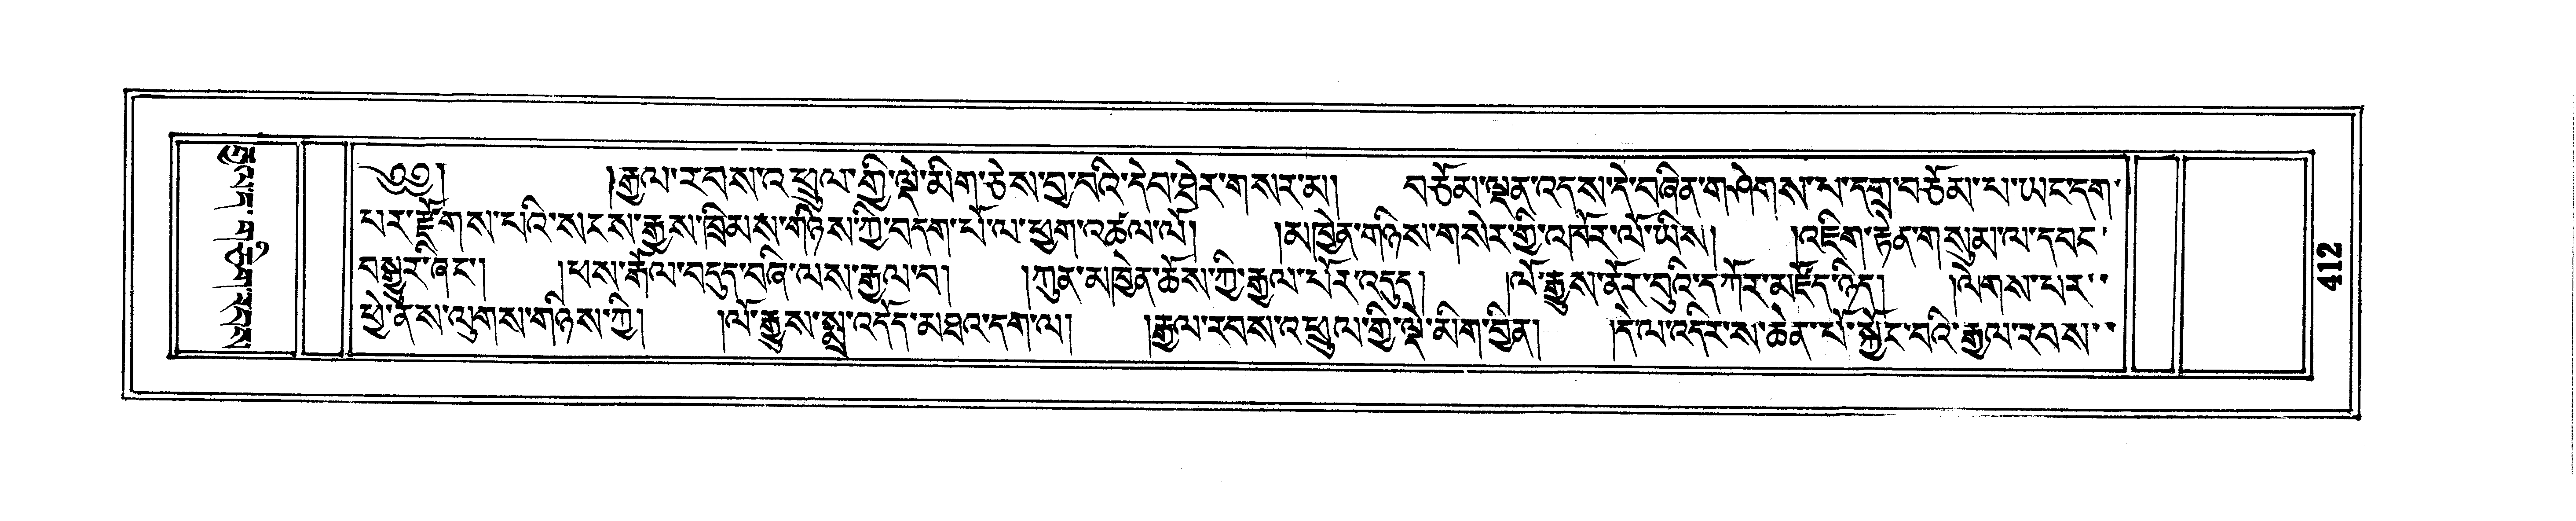༄༅། །རྒྱལ་རབས་འཕྲུལ་གྱི་ལྡེ་མིག་ཅེས་བྱ་བའི་དེབ་ཐེར་གསར་མ། བཅོམ་ལྡན་འདས་དེ་བཞིན་གཤེགས་པ་དགྲ་བཅོམ་པ་ཡང་དག་
པར་རྫོགས་པའི་སངས་རྒྱས་ཁྲིམས་གཉིས་ཀྱི་བདག་པོ་ལ་ཕྱག་འཚལ་ལོ། །མཁྱེན་གཉིས་གསེར་གྱི་འཁོར་ལོ་ཡིས། །འཇིག་རྟེན་གསུམ་ལ་དབང་
བསྒྱུར་ཞིང་། །ཕས་རྒོལ་བདུད་བཞི་ལས་རྒྱལ་བ། །ཀུན་མཁྱེན་ཆོས་ཀྱི་རྒྱལ་པོར་འདུད། །ལོ་རྒྱུས་ནོར་བུའི་དཀོར་མཛོད་ཉིད། །ལེགས་པར་
ཕྱེ་ནས་ལུགས་གཉིས་ཀྱི། །ལོ་རྒྱུས་སྨྲ་འདོད་མཐའ་དག་ལ། །རྒྱལ་རབས་འཕྲུལ་གྱི་ལྡེ་མིག་བྱིན། །དེ་ལ་འདིར་ས་ཆེན་པོ་སྐྱོང་བའི་རྒྱལ་རབས་